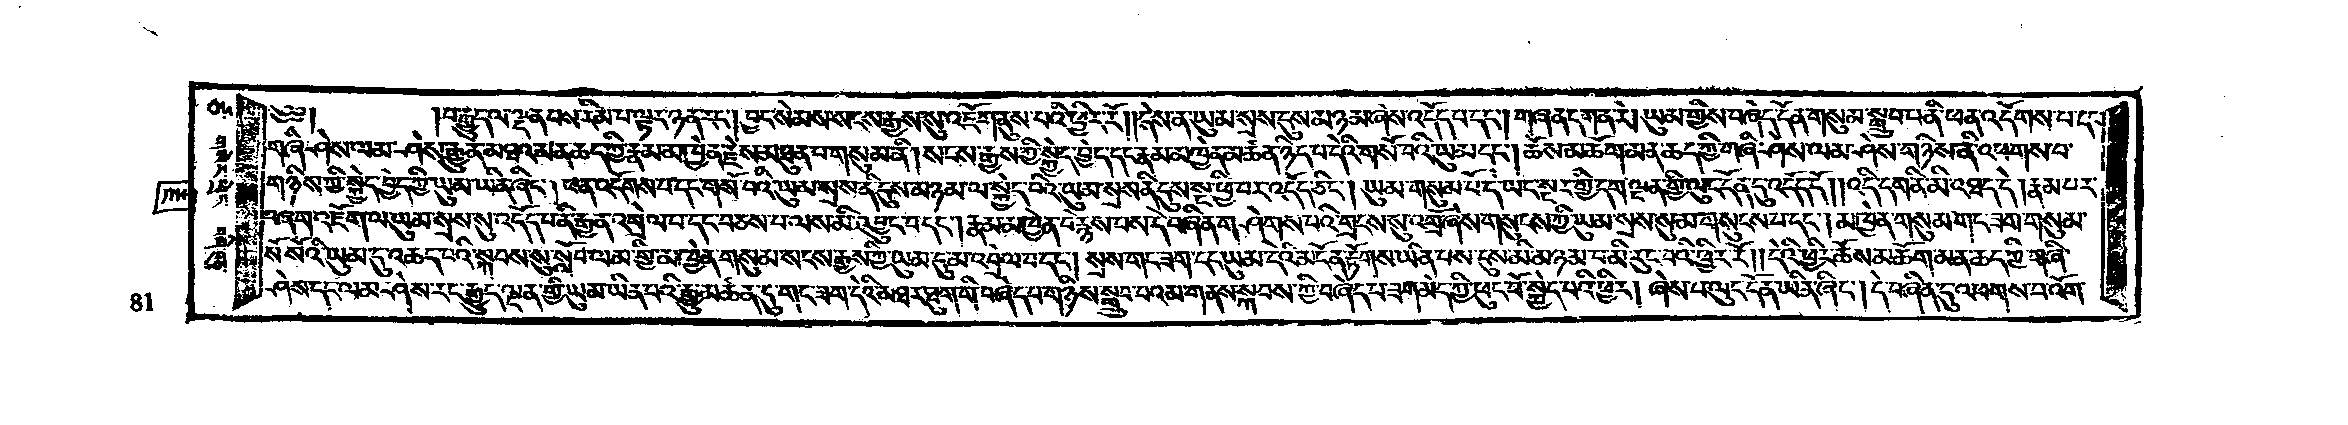༄༅། །པ་རྒྱུད་ལ་ལྡན་པས་རིམ་པ་ལྟར་ཉན་རང་། བྱང་སེམས་སངས་རྒྱས་སུ་འཇོག་ནུས་པའི་ཕྱིར་རོ། །དེས་ན་ཡུམ་སྲས་དུས་མཉམ་ཞེས་འདོད་པ་དང་། གཞན་དག་ན་རེ། ཡུམ་གྱིས་བཞེད་དོན་གསུམ་སྒྲུབ་པ་ནི་ཕན་འདོགས་པ་དང་
གཞི་ཤེས་ལམ་ཤེས་རྒྱུན་མཐའ་མན་ཆད་ཀྱི་རྣམ་མཁྱེན་རྗེས་མཐུན་པ་གསུམ་ནི། སངས་རྒྱས་ཀྱི་སྐྱེད་བྱེད་དང་རྣམ་མཁྱེན་མཚན་ཉིད་པ་དེའི་གསོ་བའི་ཡུམ་དང་། ཆོས་མཆོག་མན་ཆད་ཀྱི་གཞི་ཤེས་ལམ་ཤེས་གཉིས་ནི་འཕགས་པ་
གཉིས་ཀྱི་སྐྱེད་བྱེད་ཀྱི་ཡུམ་ཡིན་ཞིང་། ཕན་འདོགས་པ་དང་གསོ་བའི་ཡུམ་སྲས་ནི་དུས་མཉམ་ལ་སྐྱེད་པའི་ཡུམ་སྲས་ནི་དུས་སྔ་ཕྱི་བར་འདོད་ཅིང་། ཡུམ་གསུམ་པོ་དེ་ཡང་སྔར་གྱི་དག་ལྡན་གྱི་ལུང་དོན་དུ་འདོད་དོ། །འདི་དག་ནི་མི་འཐད་དེ། རྣམ་པར་
བཞག་འཇོག་ལ་ཡུམ་སྲས་སུ་འདོད་པ་ནི་རྒྱན་འབྲེལ་པ་དང་བཅས་པ་ལས་མི་འབྱུང་བ་དང་། རྣམ་མཁྱེན་བརྙེས་པས་དེ་བཞིན་གཤེགས་པའི་གྲངས་སུ་འགྲོ་ཞེས་གསུངས་ཀྱི་ཡུམ་སྲས་སུ་མ་གསུངས་པ་དང་། མཁྱེན་གསུམ་གང་ཟག་གསུམ་
སོ་སོའི་ཡུམ་དུ་འཆད་པའི་སྐབས་སུ་སློབ་ལམ་གྱི་མཁྱེན་གསུམ་སངས་རྒྱས་ཀྱི་ཡུམ་དུ་མ་འབྲེལ་བ་དང་། སྲས་གང་ཟག་དང་ཡུམ་དེའི་མངོན་རྟོགས་ཡིན་པས་དུས་མི་མཉམ་པ་མི་རུང་བའི་ཕྱིར་རོ། །དེའི་ཕྱིར་ཆོས་མཆོག་མན་ཆད་ཀྱི་གཞི་
ཤེས་དང་ལམ་ཤེས་རང་རྒྱུད་ལྡན་གྱི་ཡུམ་ཡིན་པའི་རྒྱུ་མཚན་དུ་གང་ཟག་དེའི་མཐར་ཐུག་གི་བཞེད་པ་གཉིས་སྒྲུབ་པའམ་གནས་སྐབས་ཀྱི་བཞེད་པ་ཟད་མེད་ཀྱི་ཕུང་པོ་སྐྱེད་པའི་ཕྱིར། ཞེས་པ་ལུང་དོན་ཡིན་ཞིང་། དེ་བཞིན་དུ་འཕགས་པ་འོག་